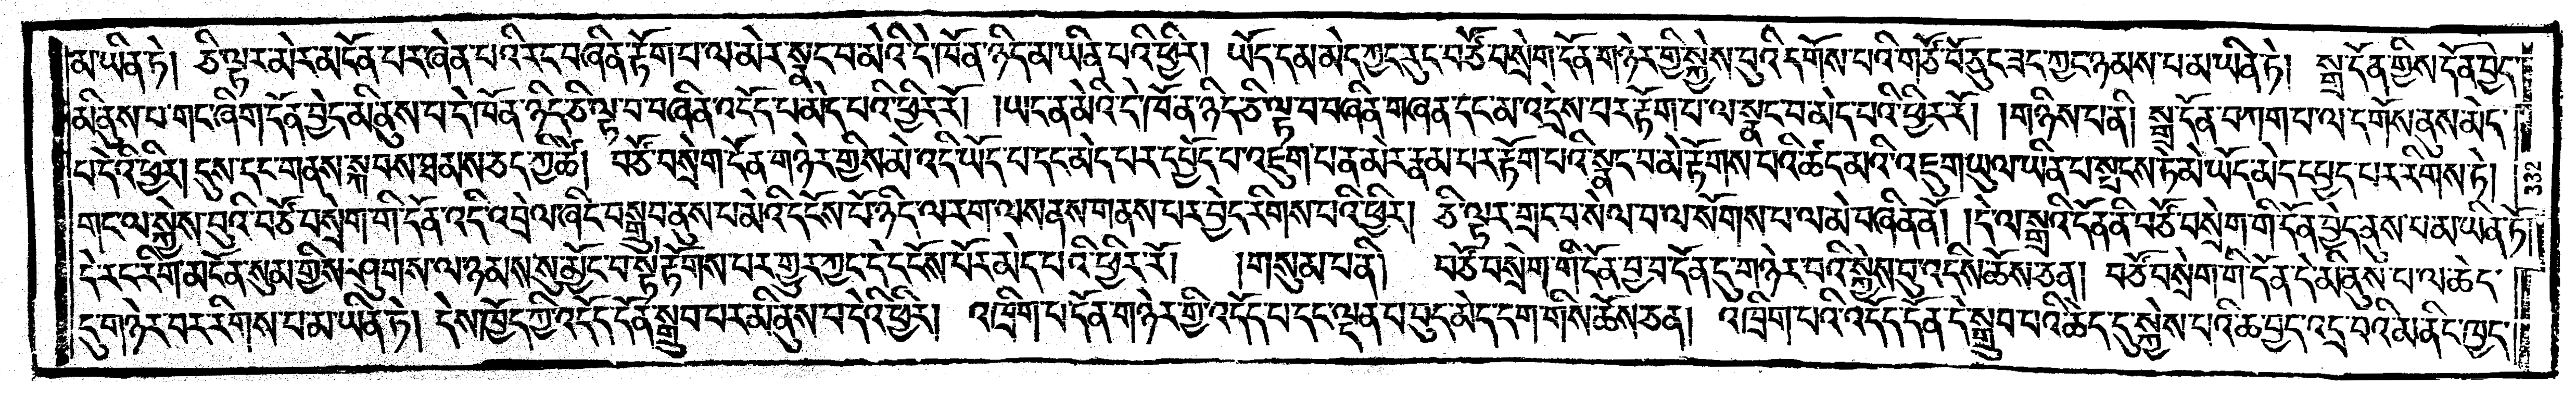མ་ཡིན་ཏེ། ཅི་ལྟར་མེར་མངོན་པར་ཞེན་པའི་རང་བཞིན་རྟོག་པ་ལ་མེར་སྣང་བ་མེའི་དེ་ཁོ་ན་ཉིད་མ་ཡིན་པའི་ཕྱིར། ཡོད་དམ་མེད་ཀྱང་རུང་བཙོ་བསྲེག་དོན་གཉེར་གྱི་སྐྱེས་བུའི་དགོས་པའི་གཙོ་བོ་ཅུང་ཟད་ཀྱང་ཉམས་པ་མ་ཡིན་ཏེ། སྒྲ་དོན་གྱིས་དོན་བྱེད་
མི་ནུས་པ་གང་ཞིག་དོན་བྱེད་མི་ནུས་པ་དེ་ཁོ་ན་ཉིད་ཅི་ལྟ་བ་བཞིན་འདོད་པ་མེད་པའི་ཕྱིར་རོ། །ཡང་ན་མེའི་དེ་ཁོ་ན་ཉིད་ཅི་ལྟ་བ་བཞིན་གཞན་དང་མ་འདྲེས་པར་རྟོག་པ་ལ་སྣང་བ་མེད་པའི་ཕྱིར་རོ། །གཉིས་པ་ནི། སྒྲ་དོན་བཀག་པ་ལ་དགོས་ནུས་མེད་
པ་དེའི་ཕྱིར། དུས་དང་གནས་སྐབས་ཐམས་ཅད་ཀྱི་ཚེ། བཙོ་བསྲེག་དོན་གཉེར་གྱིས་མེ་འདི་ཡོད་པ་དང་མེད་པར་དཔྱོད་པ་འཇུག་པ་ན་མེར་རྣམ་པར་རྟོག་པའི་སྣང་བ་མེ་རྟོགས་པའི་ཚད་མའི་འཇུག་ཡུལ་ཡིན་པ་སྤངས་ཏེ་མེ་ཡོད་མེད་དཔྱད་པར་རིགས་ཏེ།
གང་ལ་སྐྱེས་བུའི་བཙོ་བསྲེག་གི་དོན་འདི་འབྲེལ་ཞིང་བསྒྲུབ་ནུས་པ་མེའི་དངོས་པོ་ཉིད་ལ་རག་ལས་ནས་གནས་པར་བྱེད་རིགས་པའི་ཕྱིར། ཅི་ལྟར་གྲང་བ་སེལ་བ་ལ་སོགས་པ་ལ་མེ་བཞིན་ནོ། །དེ་ལ་སྒྲའི་དོན་ནི་བཙོ་བསྲེག་གི་དོན་བྱེད་ནུས་པ་མ་ཡིན་ཏོ།
དེ་རང་རིག་མངོན་སུམ་གྱིས་ཤུགས་ལ་ཉམས་སུ་མྱོང་བ་སྟེ་རྟོགས་པར་གྱུར་ཀྱང་དེ་དངོས་པོར་མེད་པའི་ཕྱིར་རོ། །གསུམ་པ་ནི། བཙོ་བསྲེག་གི་དོན་བྱ་བ་དོན་དུ་གཉེར་བའི་སྐྱེས་བུ་འདིས་ཆོས་ཅན། བཙོ་བསྲེག་གི་དོན་དེ་མི་ནུས་པ་ལ་ཆེད་
དུ་གཉེར་བར་རིགས་པ་མ་ཡིན་ཏེ། དེས་ཁྱོད་ཀྱི་འདོད་དོན་སྒྲུབ་པར་མི་ནུས་པ་དེའི་ཕྱིར། འཁྲིག་པ་དོན་གཉེར་གྱི་འདོད་པ་དང་ལྡན་པ་བུད་མེད་དག་གིས་ཆོས་ཅན། འཁྲིག་པའི་འདོད་དོན་དེ་སྒྲུབ་པའི་ཆེད་དུ་སྐྱེས་པའི་ཆ་བྱད་འདྲ་བའི་མ་ནིང་ཁྱད་